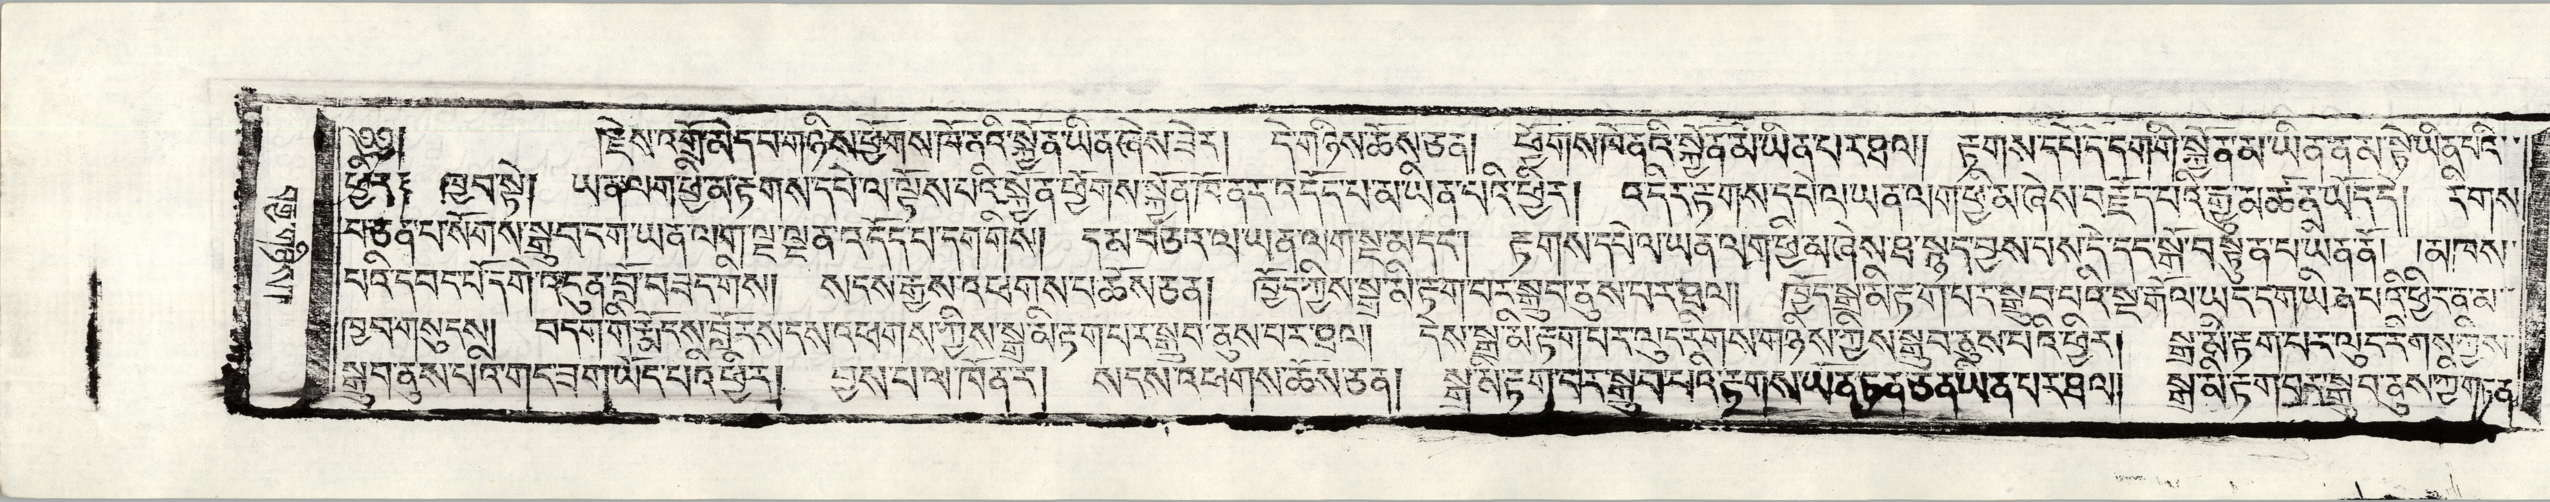༄༅། །རྗེས་འགྲོ་མེད་པ་གཉིས་ཕྱོགས་ཁོ་ནའི་སྐྱོན་ཡིན་ཞེས་ཟེར། དེ་གཉིས་ཆོས་ཅན། ཕྱོགས་ཁོ་ནའི་སྐྱོན་མ་ཡིན་པར་ཐལ། རྟགས་དཔེ་དེ་དག་གི་སྐྱོན་མ་ཡིན་ནམ་སྟེ་ཡིན་པའི་
ཕྱིར། ཁྱབ་སྟེ། ཡན་ལག་ཕྱི་མ་རྟགས་དཔེ་ལ་ལྟོས་པའི་སྐྱོན་ཕྱོགས་སྐྱོན་ཁོ་ནར་འདོད་པ་མ་ཡིན་པའི་ཕྱིར། འདིར་རྟགས་དཔེ་ལ་ཡན་ལག་ཕྱི་མ་ཞེས་བརྗོད་པའི་རྒྱུ་མཚན་ཡོད་དེ། རིགས་
པ་ཅན་པ་སོགས་སྒྲུབ་ངག་ཡན་ལག་ལྔ་ལྡན་འདོད་པ་དག་གིས། དམ་བཅའ་ལ་ཡན་ལག་སྔ་མ་དང་། རྟགས་དཔེ་ལ་ཡན་ལག་ཕྱི་མ་ཞེས་ཐ་སྙད་བྱས་པས་དེ་དང་སྒོ་བསྟུན་པ་ཡིན་ནོ། །མཁས་
པའི་དབང་བོ་དགེ་འདུན་བློ་བཟང་གིས། སངས་རྒྱས་འཕགས་པ་ཆོས་ཅན། ཁྱོད་ཀྱིས་སྒྲ་མི་རྟག་པར་སྒྲུབ་ནུས་པར་ཐལ། ཁྱོད་སྒྲ་མི་རྟག་པར་སྒྲུབ་པའི་སྔ་རྒོལ་ཡང་དག་ཡིན་པའི་ཕྱིར་ན་མ་ཁྱབ་གསུངས།
བདག་གི་རྨོངས་བློར་སངས་འཕགས་ཀྱིས་སྒྲ་མི་རྟག་པར་སྒྲུབ་ནུས་པར་ཐལ། དེས་སྒྲ་མི་རྟག་པར་ལུང་རིགས་གཉིས་ཀྱིས་སྒྲུབ་ནུས་པའི་ཕྱིར། སྒྲ་མི་རྟག་པར་ལུང་རིགས་ཀྱིས་སྒྲུབ་ནུས་པའི་གང་ཟག་ཡོད་པའི་ཕྱིར།
བྱས་པ་ལ་ཁོ་ན་རེ། སངས་འཕགས་ཆོས་ཅན། སྒྲ་མི་རྟག་པར་སྒྲུབ་པའི་རྟགས་ཡོན་ཏན་ཅན་ཡིན་པར་ཐལ། སྒྲ་མི་རྟག་པར་སྒྲུབ་ནུས་ཀྱི་གཏན་